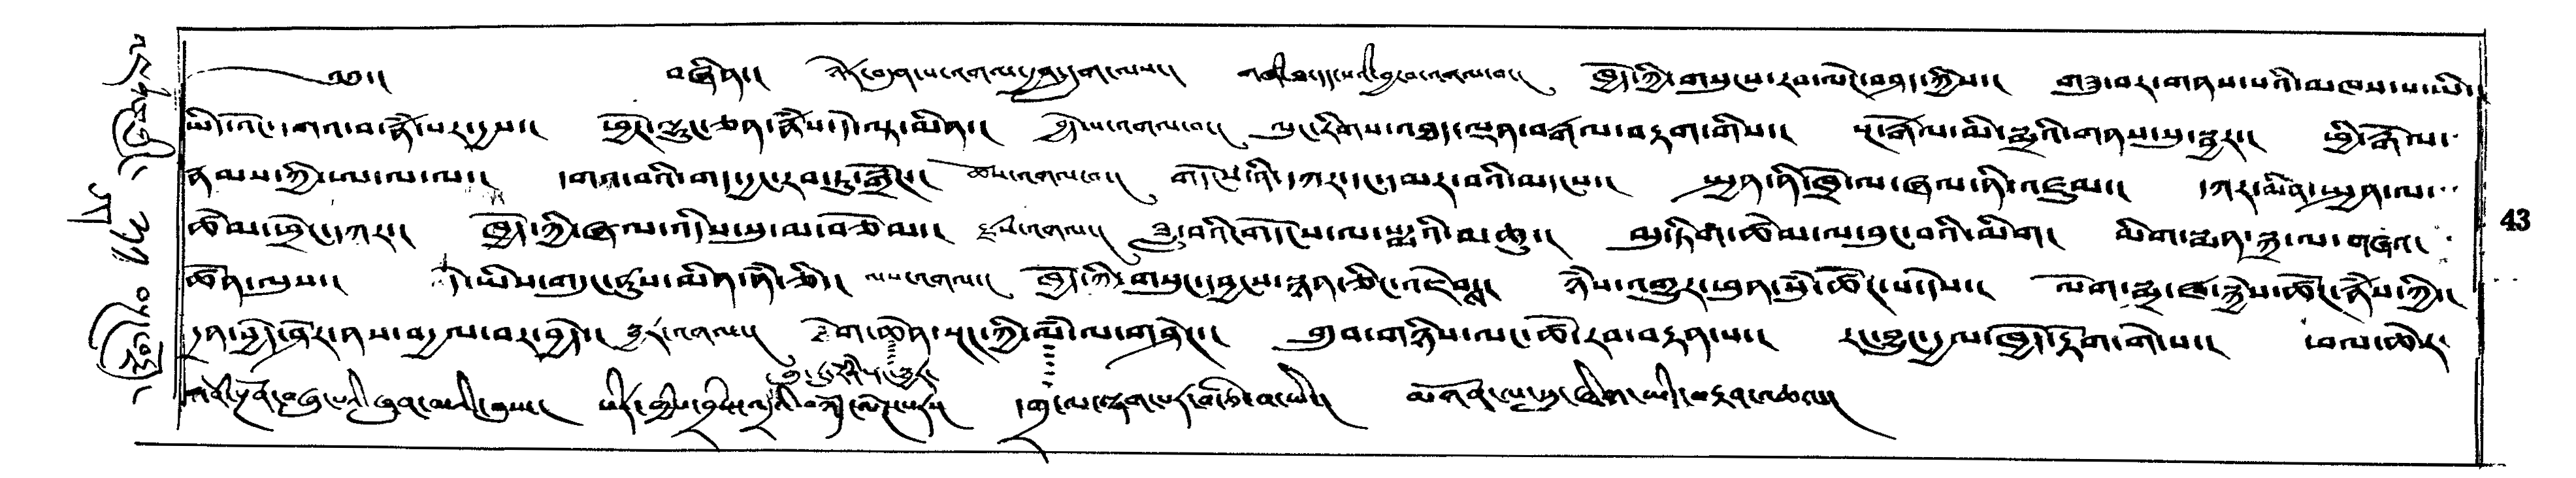བཞིན། ཉེར་བདུན་པ་འགལ་རྒྱན་དྲུག་ལས། གཞི་ཐ་དད་པའི་བྱ་བ་འགལ་བ། ཁྱོད་ཀྱི་གསུང་རབ་ལེགས་བཤད་ཀྱིས། །གཟུ་བོར་གནས་པའི་མཁས་པ་ཡི། །
ཡིད་འོང་དགའ་བ་རྣམ་པར་རྒྱས། །ཕྱོགས་ལྷུང་ཅན་རྣམས་དེ་ལྟར་མིན། ། བྱེད་པ་འགལ་བ། ལུང་རིགས་འཐད་ལྡན་བརྒལ་བརྟག་གིས། །སྔ་རྒོལ་མི་སྨྲའི་གནས་སུ་སྦྱར། །ཕྱི་རྒོལ་
རྣམས་ཀྱི་ཨ་ལ་ལ། །དགའ་བའི་གད་རྒྱངས་རབ་ཏུ་སྒྲོགས། ། ཆོས་འགལ་བ། གདོང་ནི་དཀར་དང་དམར་བའི་མདངས། །སྤྱན་ནི་ཁྲོ་ལ་ཞལ་ནི་འཛུམ། །དཀར་མིན་སྤྱན་ལ་
ཚེམས་ཕྲེང་དཀར། །ཁྱོད་ཀྱི་ཞལ་འདིས་སུ་མ་བཅོམ། ། རྫས་འགལ། ཟླ་བའི་གདོང་ལ་པདྨའི་མཆུ། །མུ་ཏིག་ཚེམས་ལ་བུང་བའི་མིག ། མིག་སྨན་སྐྲ་ལ་གཞའ་
ཚོན་ལུས། །དེ་ཡིས་གདུང་ནུས་མིན་ནམ་ཅི། ། ལས་འགལ། ཁྱོད་ཀྱི་གསུང་དབྱངས་སྙན་ཅིང་འཇེབས། །ཉམས་འགྱུར་ཕུན་སུམ་ཚོགས་པ་དེས། །ལོག་སྨྲ་ཝ་སྐྱེས་ཚོགས་རྣམས་ཀྱི། །
དྲན་བྱེད་ཤོར་ནས་བརྒྱལ་བར་བྱེད། །སྦྱར་འགལ། ཐེག་ཆེན་སྔགས་ཀྱི་ལམ་ལ་གཤེགས། གུ་རུ་རིན་པོ་ཆེ་དང་སྦྱར། གནམ་སྔོན་བཞུ་པའི་ཞུན་མའི་དབུས། །པིར་གྱིས་བྲིས་འདྲའི་བཀོད་ལེགས་པར། །དགྲ་ལ་ལྷག་པར་བརྩེ་བ་ཡི། །མགོན་ལ་སུ་ཞིག་ཡིད་བརྟན་འཆའ། ། གྲུབ་གཉིས་ལང་ཚོ་རབ་བརྟན་པ། །རང་བྱུང་རྒྱལ་ཁྱོད་རྟོག་གེ་པ། །ཕལ་ཆེར་